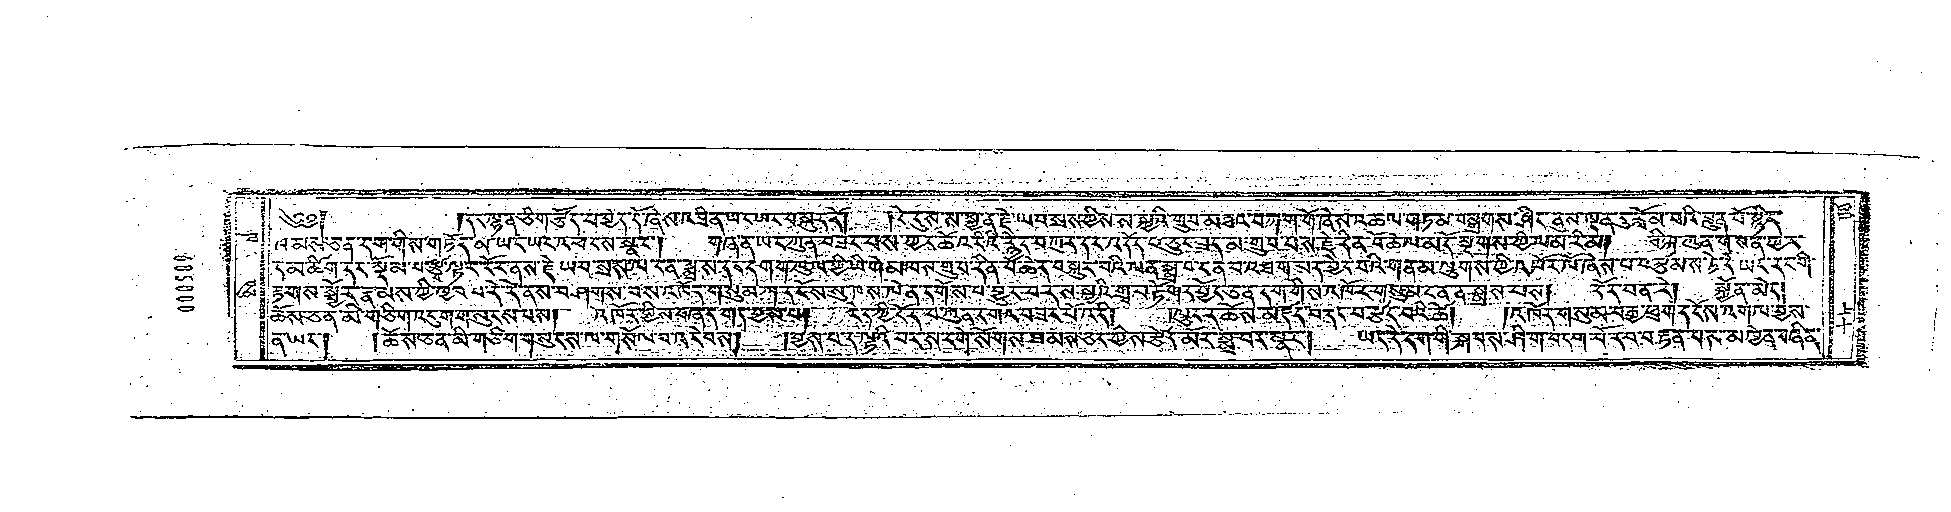༄༅། །དང་ལྷན་ཅིག་རྩོད་པ་བྱེད་དོ་ཞེས་འབྲིན་ཡང་ཡང་བསྐུར་རོ། །དེ་དུས་ས་སྐྱ་ན་རྗེ་ཡབ་སྲས་ཀྱིས་ས་སྐྱའི་གྲུབ་མཐའ་བཀག་གོ་ཞེས་འཆལ་གཏམ་བསྒྲགས་ཤིང་ནུས་ལྡན་དུ་རློམ་པའི་བླུན་པོ་སྙིང་
ཁམས་ཅན་དག་གིས་གཏོར་མ་ཡང་ཡང་འཕངས་སྣང་། གཞན་ཡང་ཀུན་བཟང་པས་ཀྱང་ཆོ་འདིའི་རྙེད་བཀུར་དང་འདོད་པ་ཅུང་ཟད་མ་གྲུབ་བས་རྗེ་རིན་པོ་ཆེ་ལ་མདོ་སྔགས་ཀྱི་ལམ་རིམ། ཊིཀྐ་ཀུན་གསན་ཀྱང་
དམ་ཚིག་དང་སྡོམ་པ་རྩྭ་ལྟར་དོར་ནས་རྗེ་ཡབ་སྲས་ལ་ངན་སྨྲས་དང་དགག་ཁུལ་གྱི་ཡི་གེ་མཁས་གྲུབ་རིན་པོ་ཆེར་བསྐུར་བའི་ལན་སྨྲ་བ་ངན་བ་འཐག་པར་བྱེད་པའི་གནམ་ལྕགས་ཀྱི་འཁོར་ལོ་ཞེས་པ་བརྩམས་ཏེ་དེ་ཡང་རང་གི་
རྟགས་སྦྱོར་རྣམས་ཀྱི་ཁྱབ་པ་རེ་རེ་ནས་བཤགས་པས་འཁོར་གསུམ་ཀ་དངོས་སུ་ཁས་ལེན་དགོས་པ་བྱུང་བར་ས་སྐྱའི་གྲྭ་བ་རྟོག་དཔྱོད་ཅན་དག་གིས་འཁོར་གསུམ་ངན་ན་སྨྲས་པས། དོར་བ་ན་རེ། སྐྱོན་མེད།
ཆོས་ཅན་མི་གཅིག་འདུག་གསུངས་པས། འཁོར་གྱིས་བཞད་གད་བྱས་པ། ངེད་ཀྱི་དོར་བ་ཀུན་དགའ་བཟང་པོ་འདི། །ལྕང་ར་ཆོས་མཛད་བ་དང་བརྩད་བའི་ཚེ། །འཁོར་གསུམ་བརྒྱད་ཕྲག་དངོས་འགལ་བྱས་
ན་ཡང་། །ཆོས་ཅན་མི་གཅིག་གསུངས་ལ་གསོལ་བ་འདེབས། །བྱས་པ་ད་ལྟའི་བར་ས་དགེ་སོགས་ཐམས་ཅད་ཀྱིས་རྩེད་མོར་སྨྲ་བར་སྣང་། ཡང་དེ་དག་གི་སྐབས་ཤིག་བདག་པོ་རབ་བརྟན་པས་མཁྱེན་བཞིན་